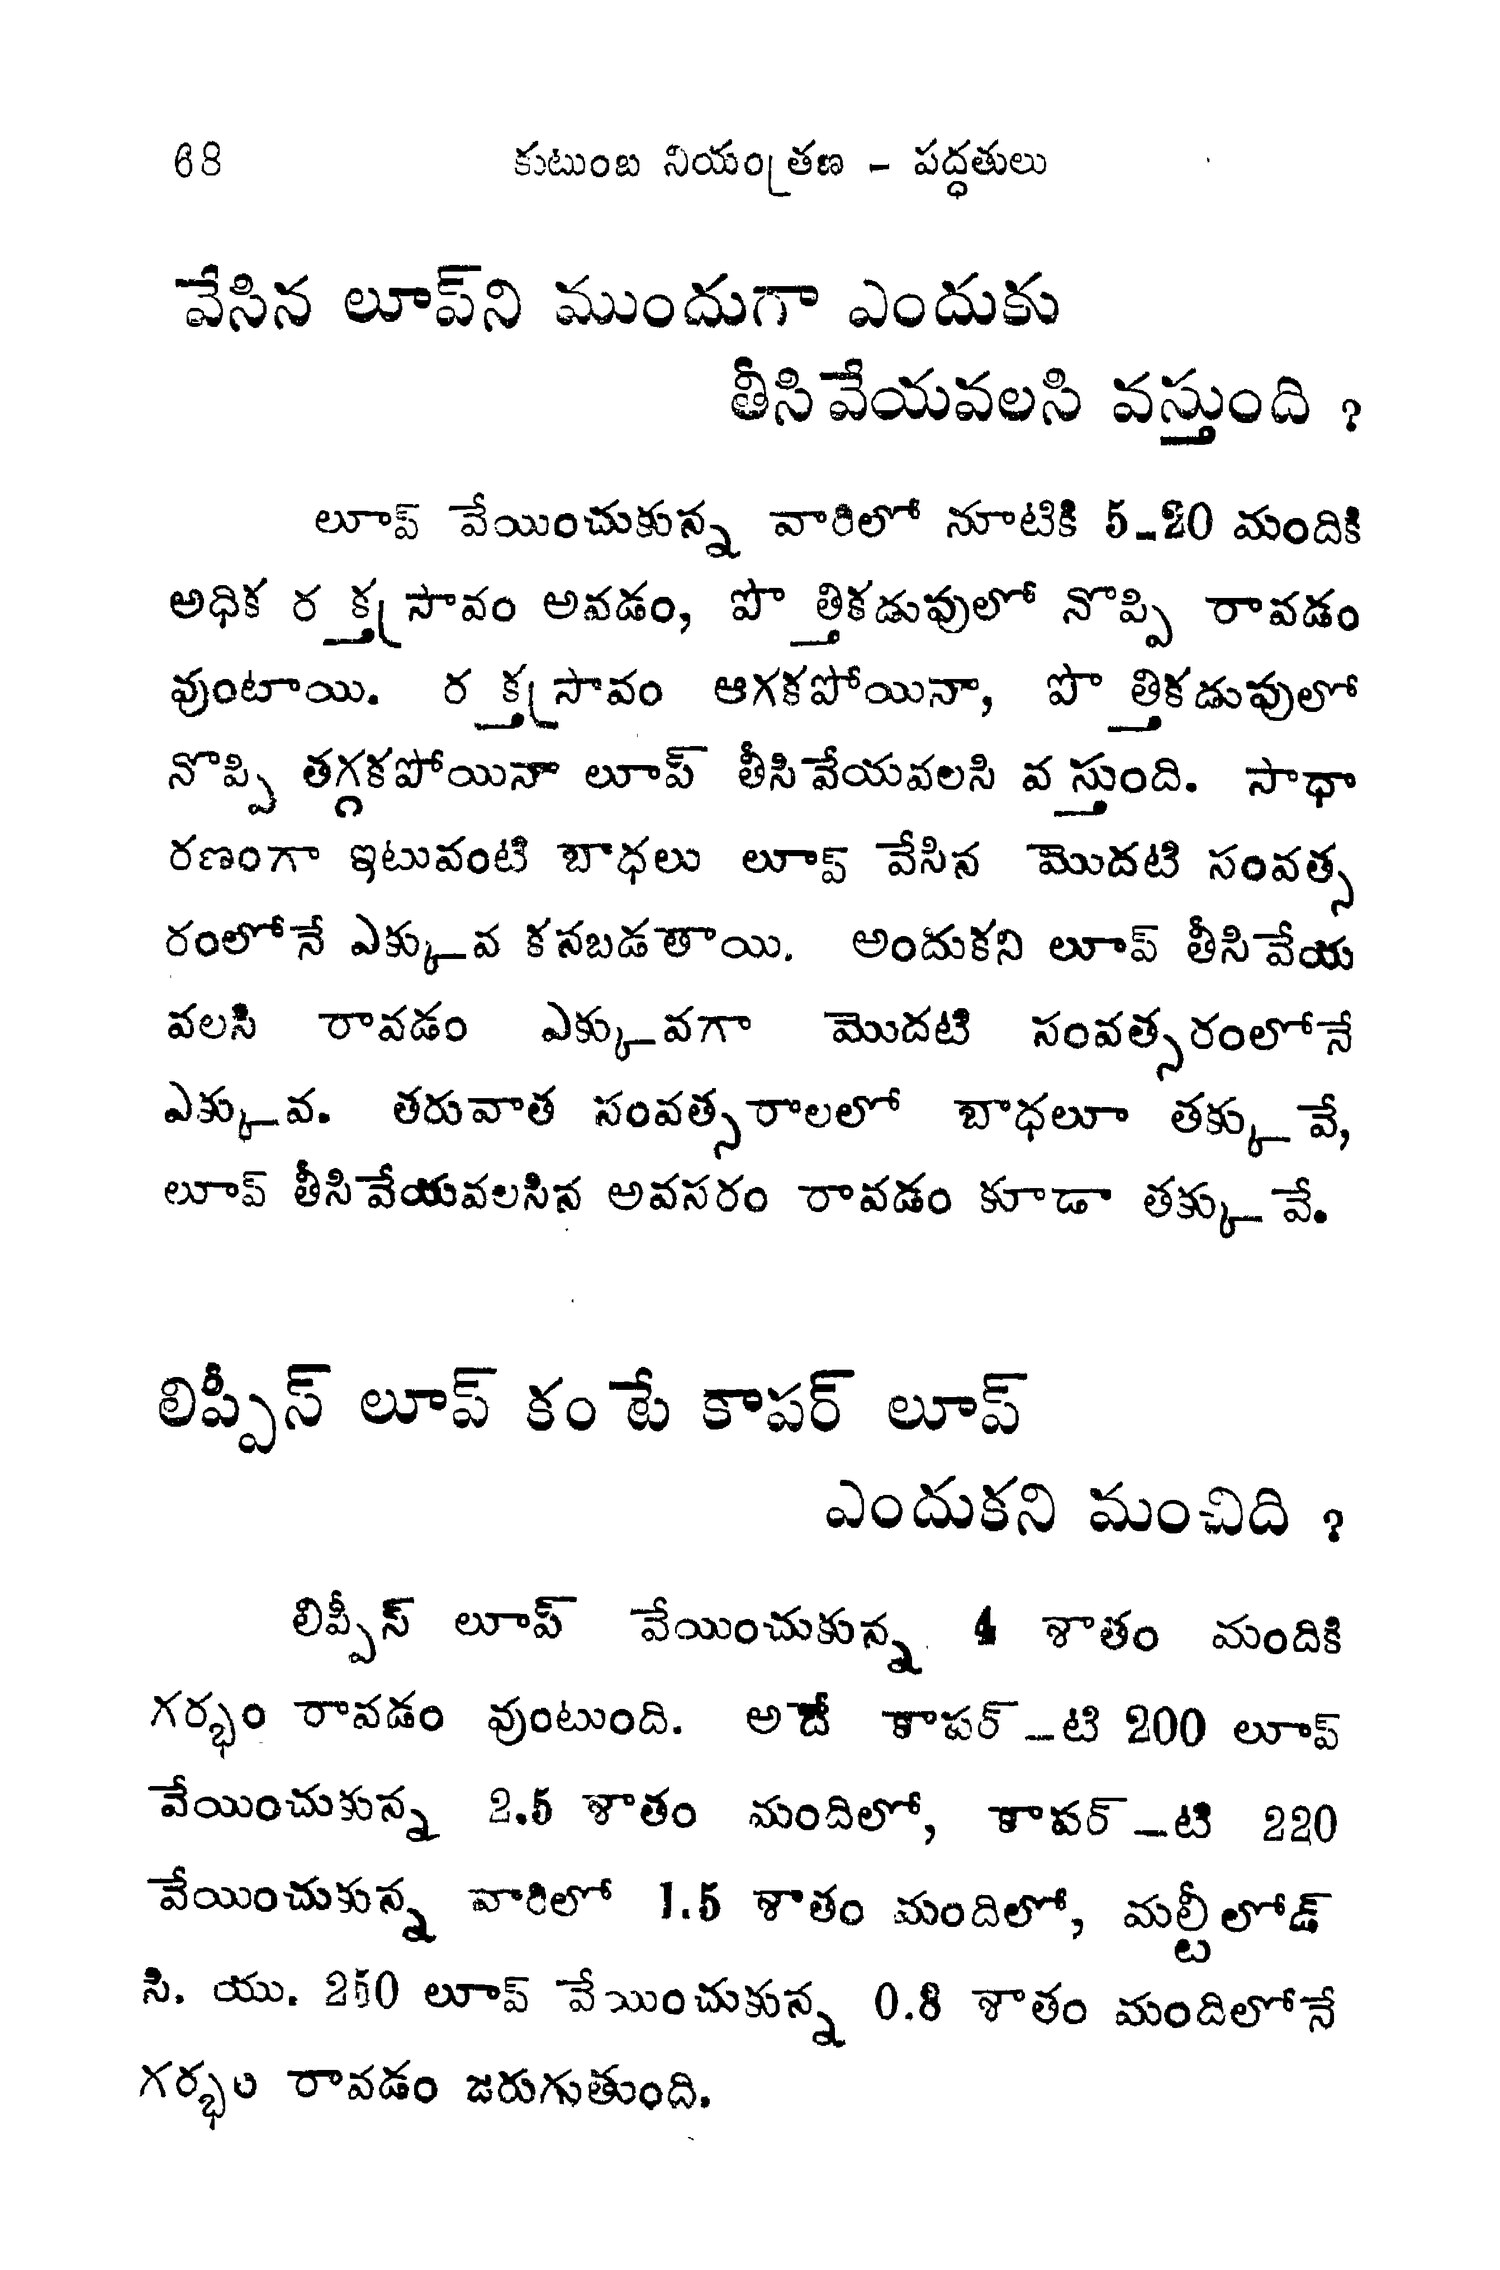లూప్ వేయించుకున్న వారిలో నూటికి 5-20 మందికి అధిక రక్తస్రావం అవడం, పొత్తికడుపులో నొప్పి రావడం వుంటాయి. రక్తస్రావం ఆగకపోయినా, పొత్తికడుపులో నొప్పి తగ్గకపోయినా లూప్ తీసివేయవలసి వస్తుంది. సాధారణంగా ఇటువంటి బాధలు లూప్ వేసిన మొదటి సంవత్సరంలోనే ఎక్కువ కనబడతాయి. అందుకని లూప్ తీసివేయవలసి రాఫడం ఎక్కువగా మొదటి సంవత్సరంలోనే ఎక్కువ. తరువాత సంవత్సరాలలో బాధలూ తక్కువే. లూప్ తీసివేయవల్సిన అవసరం రావడం కూడా తక్కువే.

లిప్పీస్ లూప్ వేయించుకున్న 4 శాతం మందికి గర్భం రావడం వుంటుంది. అదే కాపర్ -టి 200 లూప్ వేయించుకున్న 2.5 శాతం మందిలో, కాపర్ -టి 220 వేయించుకున్న వారిలో 1.5 శాతం మందిలో, మల్టీ లోడ్ సి.యు 250 లూప్ వేయించుకున్న 0.8 శాతం మందిలోనే గర్భం రావడం జరుగుతుంది.